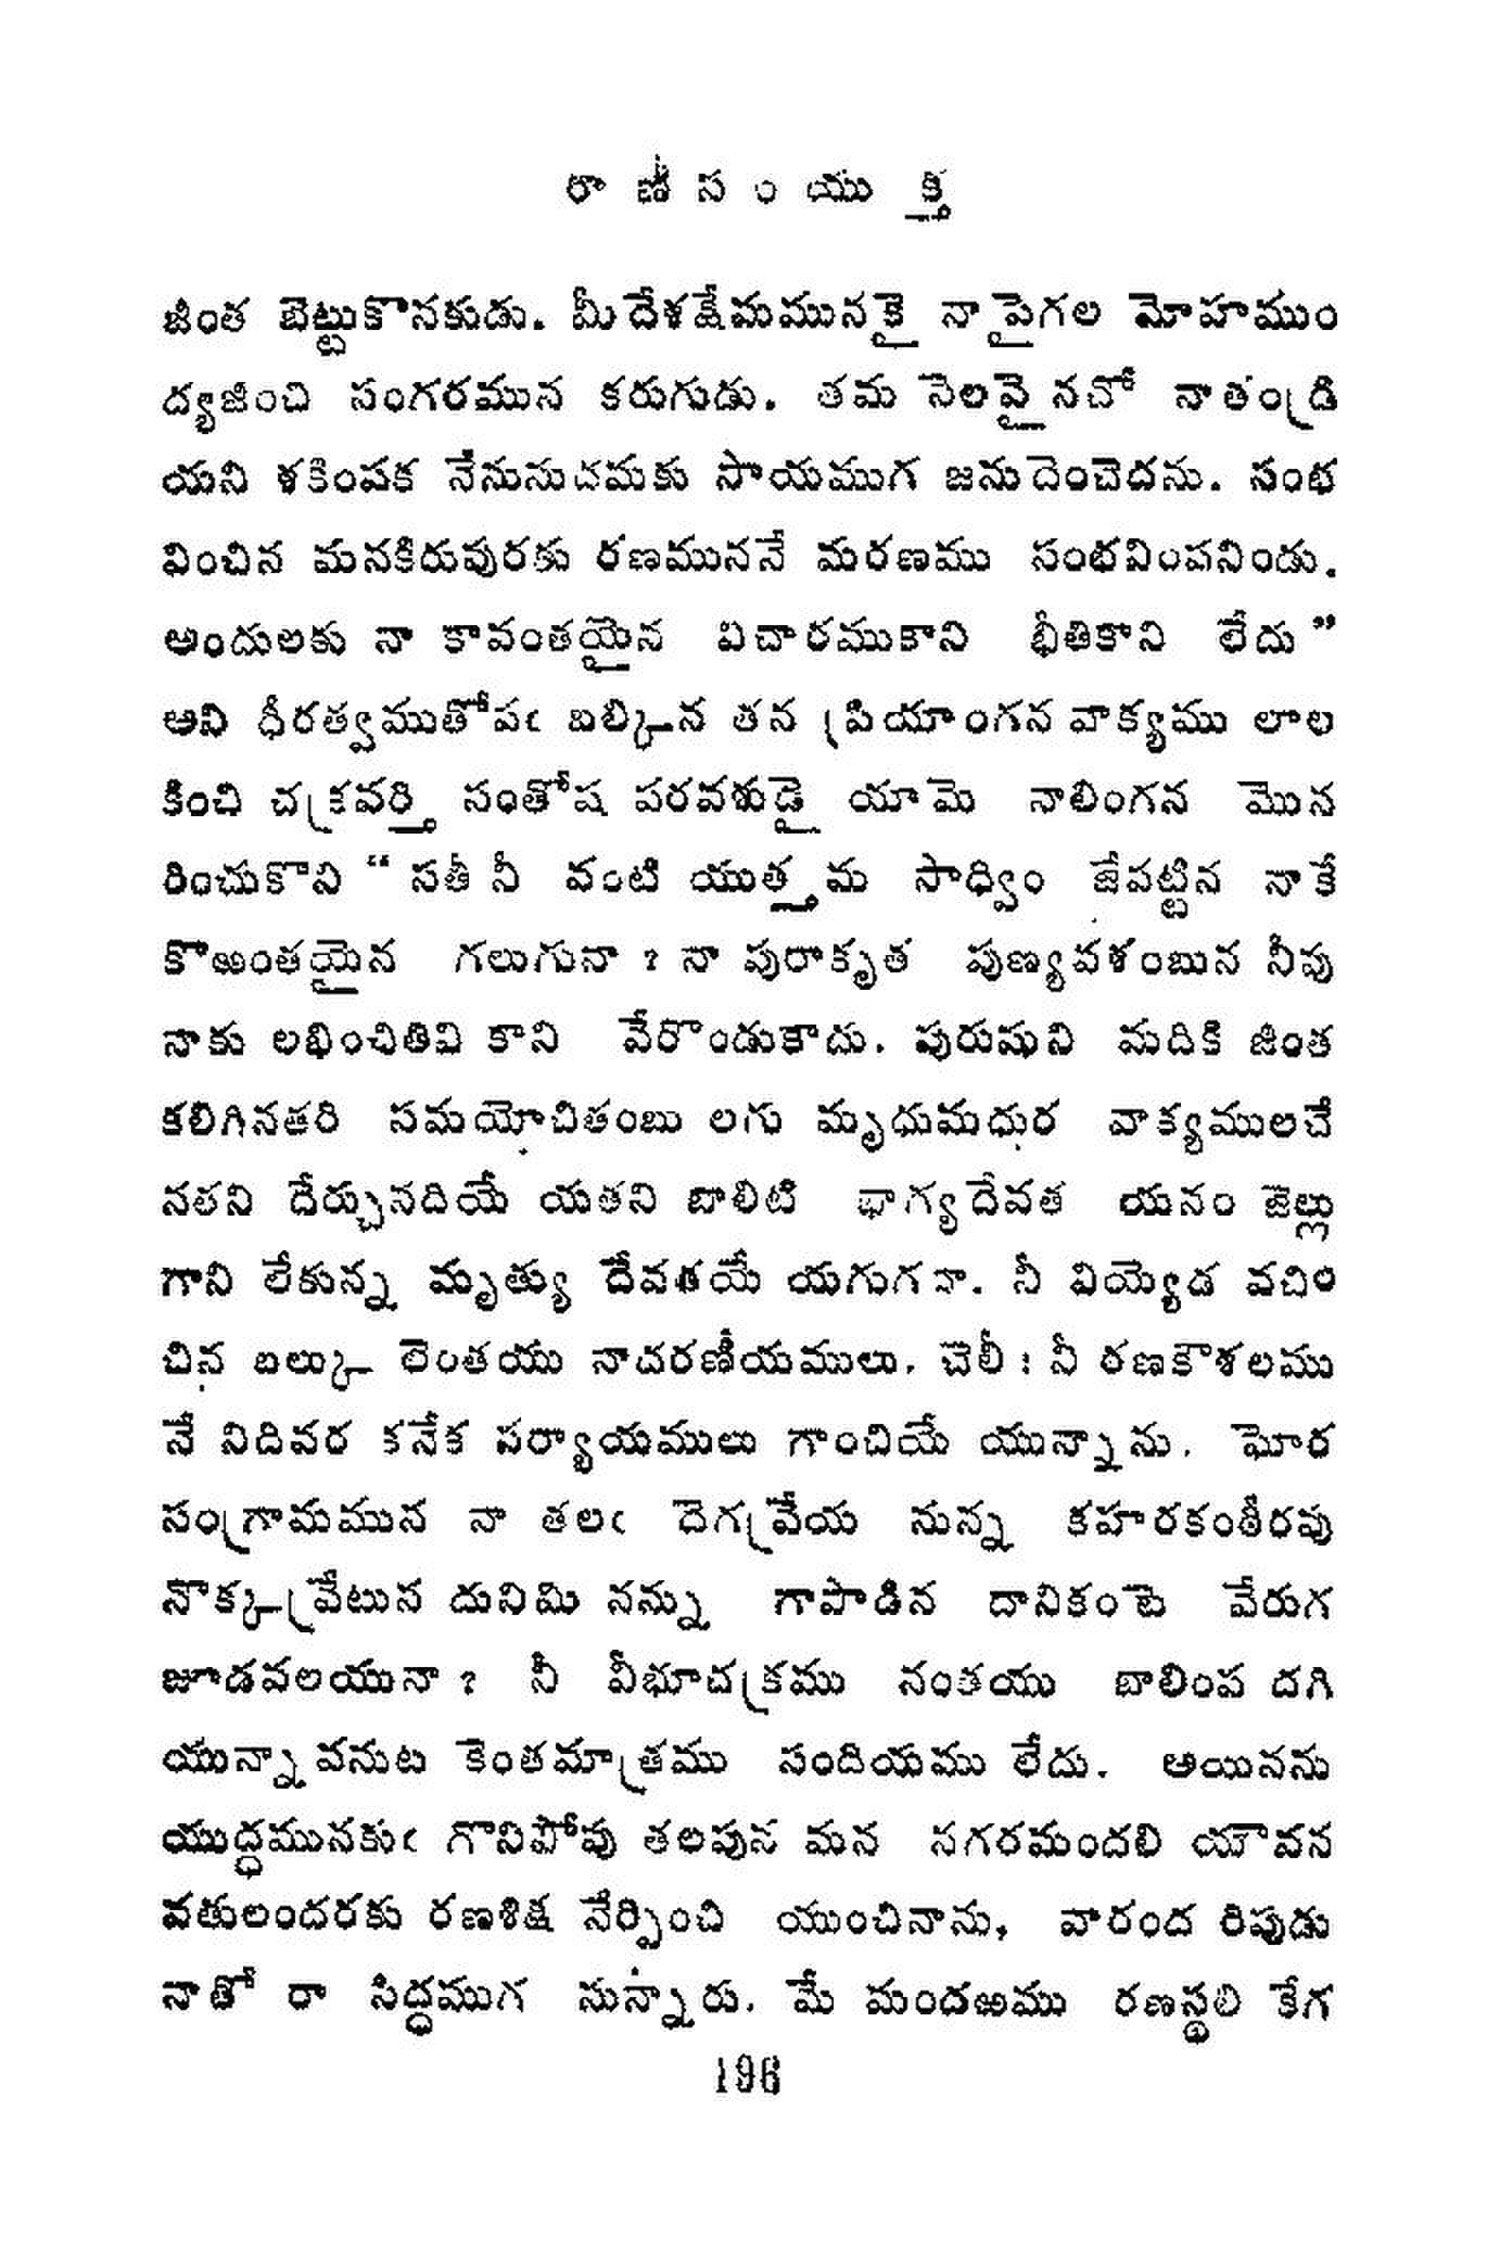జింత బెట్టుకొనకుడు. మీదేశక్షేమమునకై నా పైగల మోహముం ద్యజించి సంగరమున కరుగుడు. తమ సెలవైనచో నాతండ్రి యని శకింపక నేనుసు దమకు సాయముగ జనుదెంచెదను. సంభవించిన మనకిరువురకు రణముననే మరణము సంభవింపనిండు . అందులకు నా కావంతయైన విచారముకాని భీతికాని లేదు" అని ధీరత్వముతోపఁ బల్కిన తన పియాంగన వాక్యము లాలకించి చక్రవర్తి సంతోష పరవశుడై యామె నాలింగన మొనరించుకొని “ సతీ నీ వంటి యుత్తమ సాధ్విం జేపట్టిన నాకే కొఱంతయైన గలుగునా ? నా పురాకృత పుణ్యవశంబున నీవు సాకు లభించితివి కాని వేరొండుకాదు. పురుషుని మదికి జింత కలిగినతరి సమయోచితంబు లగు మృధుమధుర వాక్యములచే నతని దేర్చునదియే యతని బాలిటి భాగ్య దేవత యనం జెల్లు గాని లేకున్న మృత్యు దేవతయే యగుగదా. నీ వియ్యెడ వచించిన బల్కు లెంతయు నాదరణీయములు, చెలీ : నీ రణకౌశలము నే నిదివర కనేక పర్యాయములు గాంచియే యున్నాను . ఘోరసంగ్రామమున నా తలఁ దెగవ్రేయ నున్న కహరకంఠీరవు నొక్కవ్రేటున దునిమి నన్ను గాపాడిన దానికంటె వేరుగ జూడవలయునా ! నీ వీభూచక్రము నంతయు బాలింప దగియున్నా వనుట కెంతమాత్రము సందియము లేదు. అయినను యుద్ధమునకుఁ గొనిపోపు తలపున మన నగరమందలి యౌవన వతులందరకు రణశిక్ష నేర్పించి యుంచినాను, వారంద రిపుడు నాతో రా సిద్ధముగ నున్నారు. మే మందఱము రణస్థలి కేగ